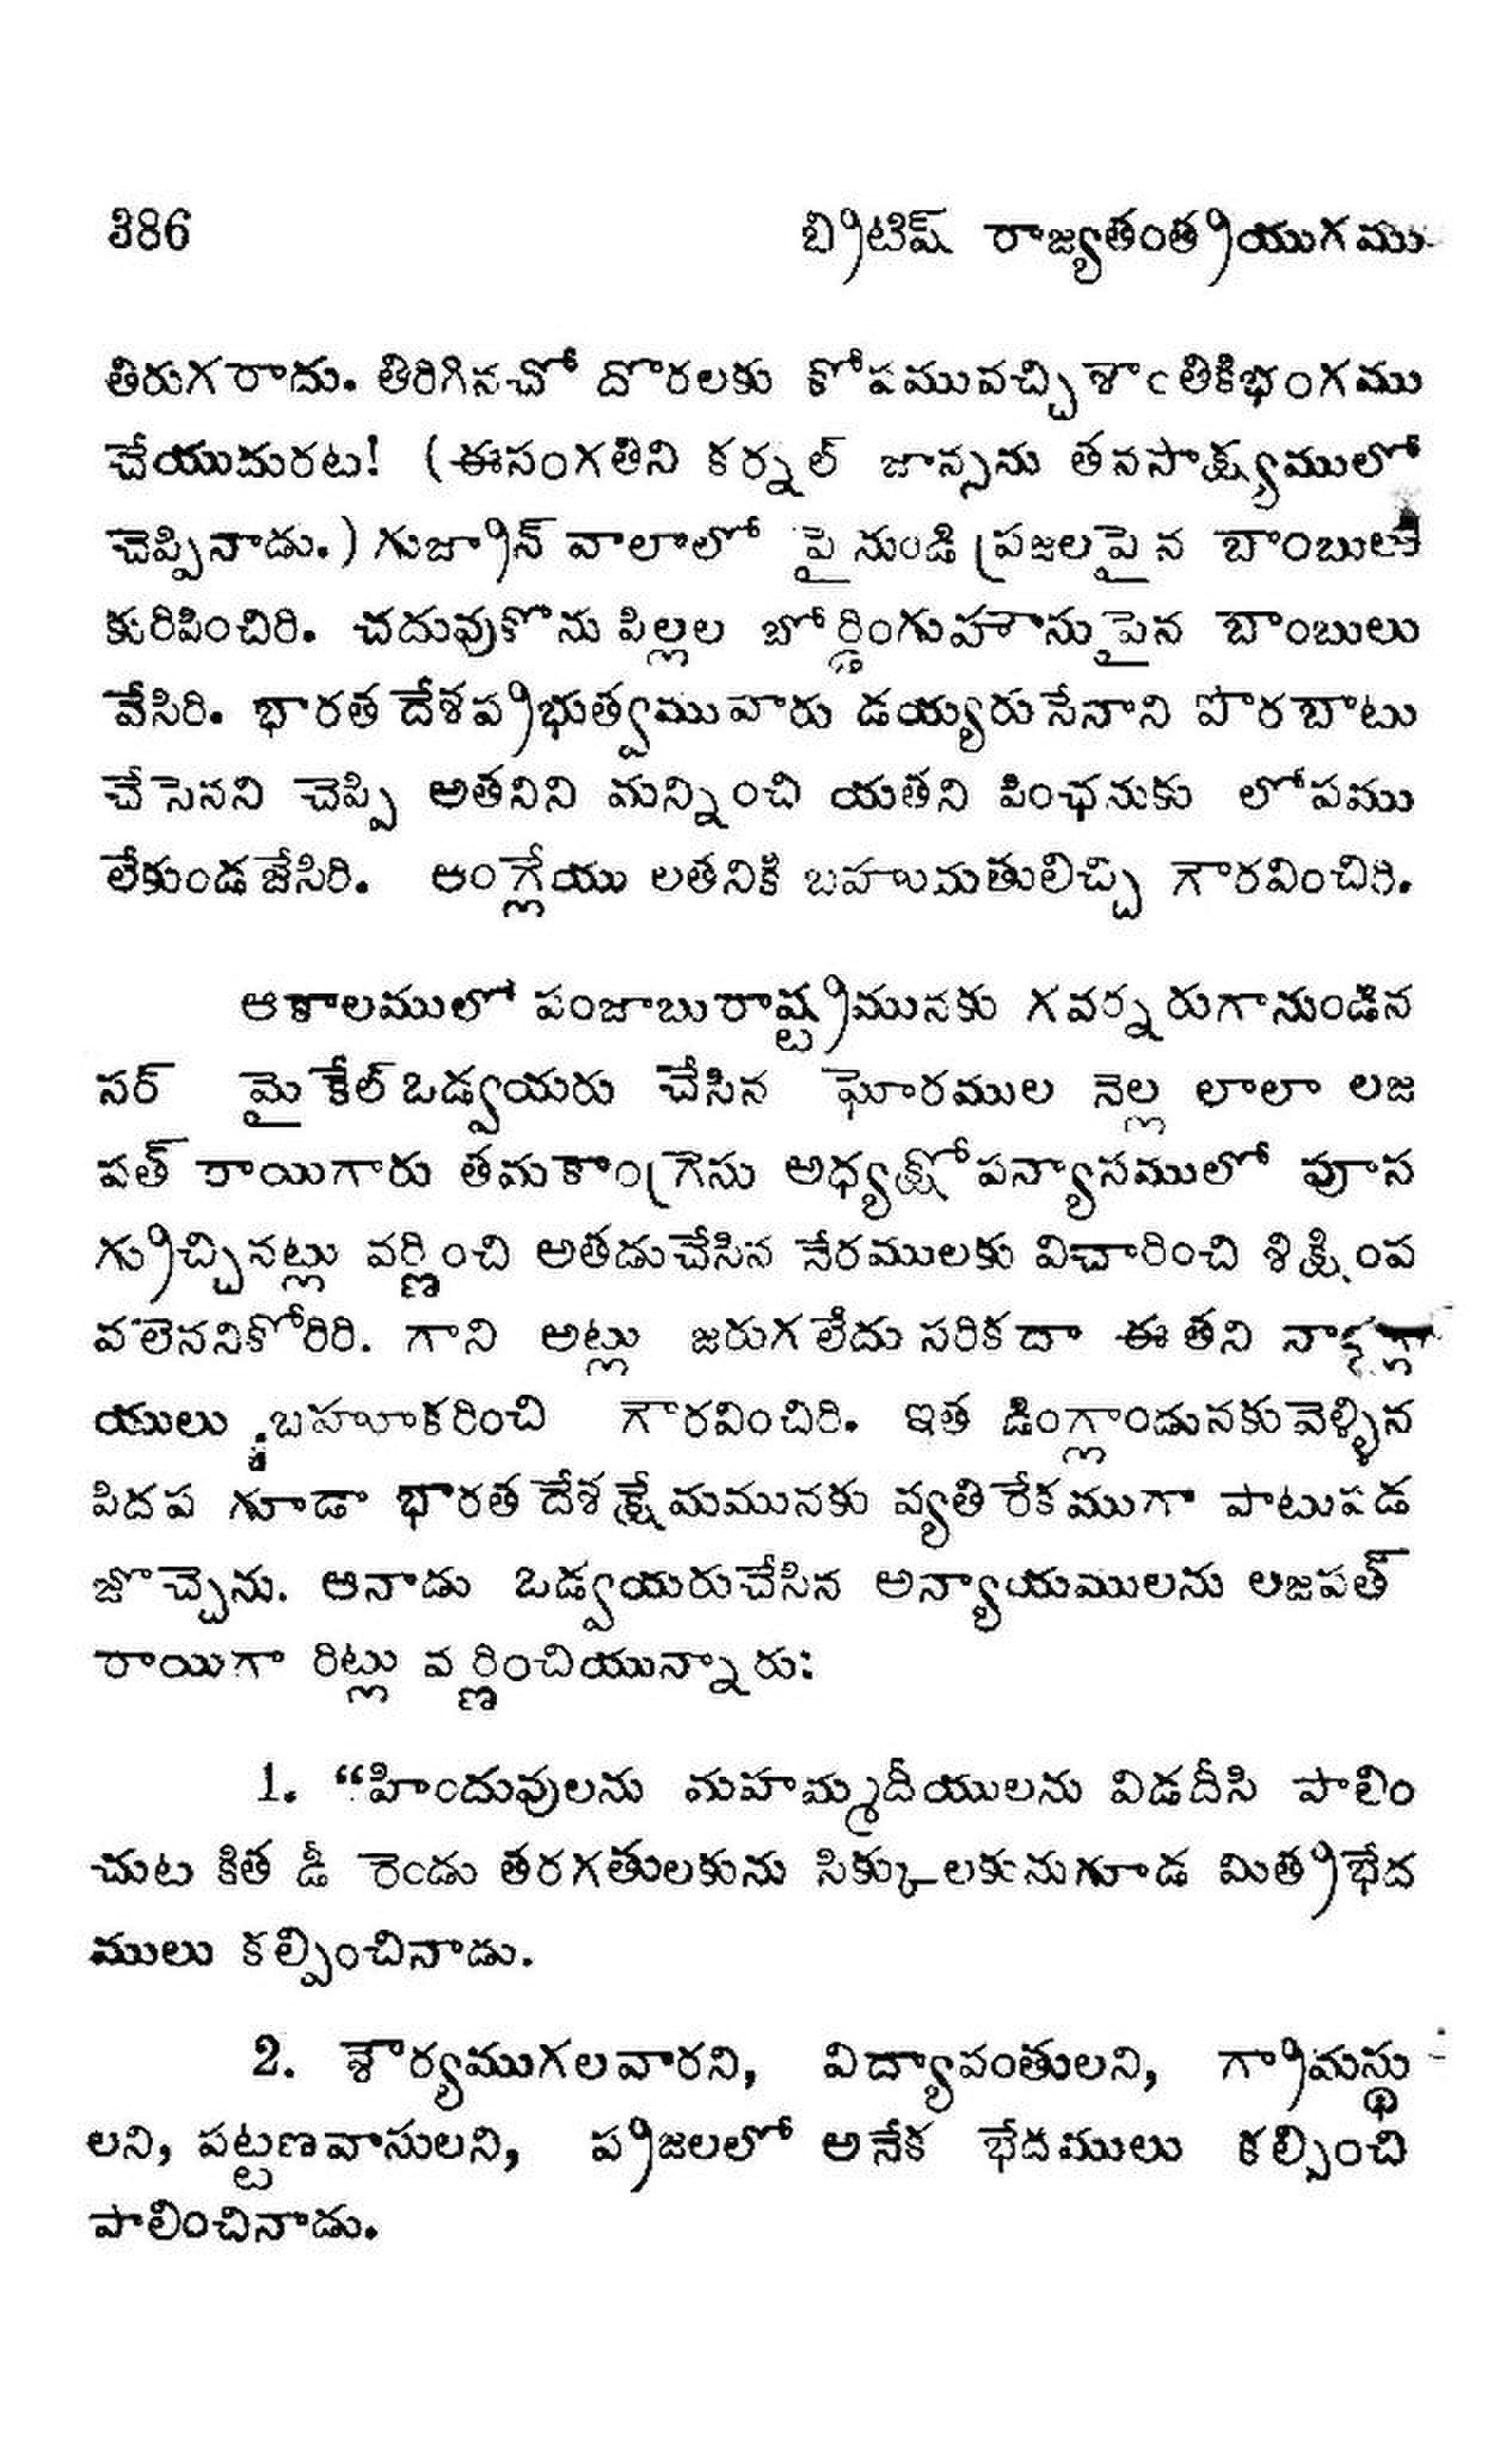తిరుగరాదు. తిరిగినచో దొరలకు కోపమువచ్చి శాంతికిభంగము చేయుదురట! (ఈసంగతిని కర్నల్ జాన్సను తనసాక్ష్యములో చెప్పినాడు.) గుజ్రాన్ వాలాలో పై నుండి ప్రజలపైన బాంబులు కురిపించిరి. చదువుకొనుపిల్లల బోర్డింగుహౌసుపైన బాంబులువేసిరి. భారతదేశప్రభుత్వమువారు డయ్యరుసేనాని పొరబాటు చేసెనని చెప్పి అతనిని మన్నించి యతని పింఛనుకు లోపము లేకుండజేసిరి. ఆంగ్లేయు లతనికి బహుమతులిచ్చి గౌరవించిరి.

ఆకాలములో పంజాబురాష్ట్రమునకు గవర్నరుగానుండిన సర్ మైకేల్ ఒడ్వయరు చేసిన ఘోరముల నెల్ల లాలా లజపత్ రాయిగారు తమకాంగ్రెసు అధ్యక్షోపన్యాసములో పూస గ్రుచ్చినట్లు వర్ణించి అతడుచేసిన నేరములకు విచారించి శిక్షింపవలెననికోరిరి. గాని అట్లు జరుగలేదు సరికదా ఈతని నాంగ్లేయులు బహూకరించి గౌరవించిరి. ఇత డింగ్లాండునకు వెళ్ళిన పిదప గూడా భారతదేశ క్షేమమునకు వ్యతిరేకముగా పాటుపడజొచ్చెను. ఆనాడు ఒడ్వయరుచేసిన అన్యాయములను లజపత్ రాయిగా రిట్లు వర్ణించియున్నారు:

1. “హిందువులను మహమ్మదీయులను విడదీసి పాలించుట కిత డీ రెండు తరగతులకును సిక్కులకునుగూడ మిత్రభేదములు కల్పించినాడు.

2. శౌర్యముగలవారని, విద్యావంతులని, గ్రామస్థులని, పట్టణవాసులని, ప్రజలలో అనేక భేదములు కల్పించి పాలించినాడు.